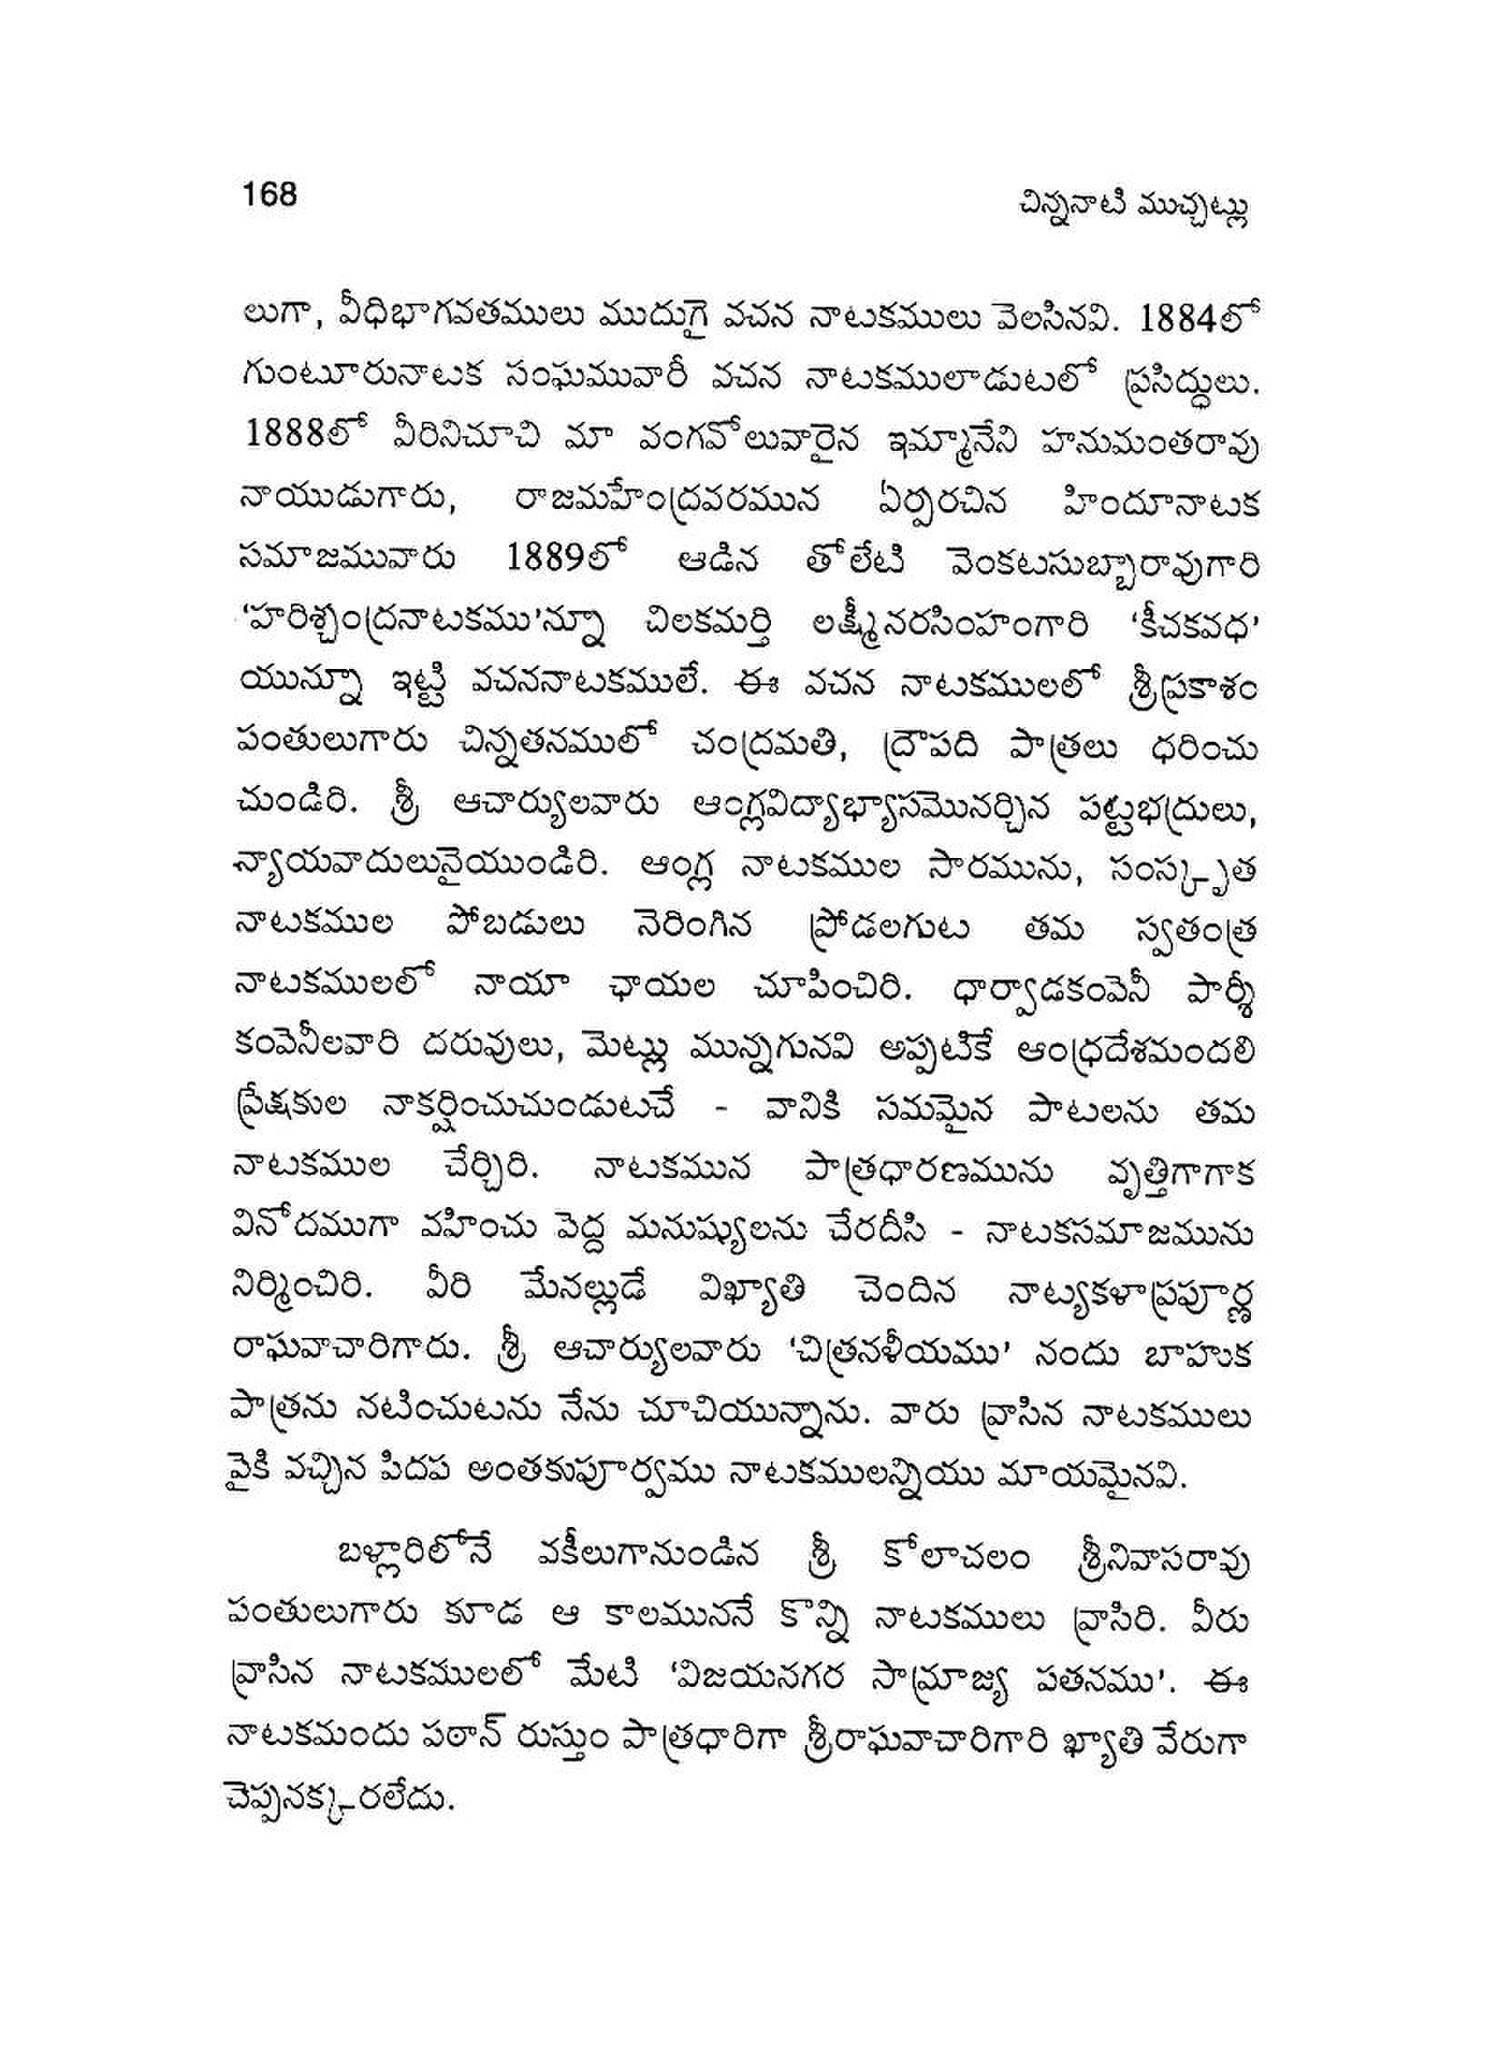లుగా, వీధిభాగవతములు ముదుగై వచన నాటకములు వెలసినవి. 1884లో గుంటూరునాటక సంఘమువారీ వచన నాటకములాడుటలో ప్రసిద్దులు. 1888లో వీరినిచూచి మా వంగవోలువారైన ఇమ్మానేని హనుమంతరావు నాయుడుగారు, రాజమహేంద్రవరమున ఏర్పరచిన హిందూనాటక సమాజమువారు 1889లో ఆడిన తోలేటి వెంకటసుబ్బారావుగారి 'హరిశ్చంద్రనాటకము'న్నూ చిలకమర్తి లక్ష్మీనరసింహంగారి 'కీచకవధ’ యున్నూ ఇట్టి వచననాటకములే. ఈ వచన నాటకములలో శ్రీప్రకాశం పంతులుగారు చిన్నతనములో చంద్రమతి, ద్రౌపది పాత్రలు ధరించు చుండిరి. శ్రీ ఆచార్యులవారు ఆంగ్లవిద్యాభ్యాసమొనర్చిన పట్టభద్రులు, న్యాయవాదులనైయుండిరి. ఆంగ్ల నాటకముల సారమును, సంస్కృత నాటకముల పోబడులు నెరింగిన ప్రోడలగుట తమ స్వతంత్ర నాటకములలో నాయా ఛాయల చూపించిరి. ధార్వాడకంపెనీ పార్శీ కంపెనీలవారి దరువులు, మెట్లు మున్నగునవి అప్పటికే ఆంధ్రదేశమందలి ప్రేక్షకుల నాకర్షించుచుండుటచే - వానికి సమమైన పాటలను తమ నాటకముల చేర్చిరి. నాటకమున పాత్రధారణమును వృత్తిగాగాక వినోదముగా వహించు పెద్ద మనుష్యులను చేరదీసి - నాటకసమాజమును నిర్మించిరి. వీరి మేనల్లుడే విఖ్యాతి చెందిన నాట్యకళాప్రపూర్ణ రాఘవాచారిగారు. శ్రీ ఆచార్యులవారు "చిత్రనళీయము" నందు బాహుక పాత్రను నటించుటను నేను చూచియున్నాను. వారు వ్రాసిన నాటకములు పైకి వచ్చిన పిదప అంతకుపూర్వము నాటకములన్నియు మాయమైనవి.

బళ్లారిలోనే వకీలుగానుండిన శ్రీ కోలాచలం శ్రీనివాసరావు పంతులుగారు కూడ ఆ కాలముననే కొన్ని నాటకములు వ్రాసిరి. వీరు వ్రాసిన నాటకములలో మేటి 'విజయనగర సామ్రాజ్య పతనము'. ఈ నాటకమందు పఠాన్ రుస్తుం పాత్రధారిగా శ్రీరాఘవాచారిగారి ఖ్యాతి వేరుగా చెప్పనక్కరలేదు.